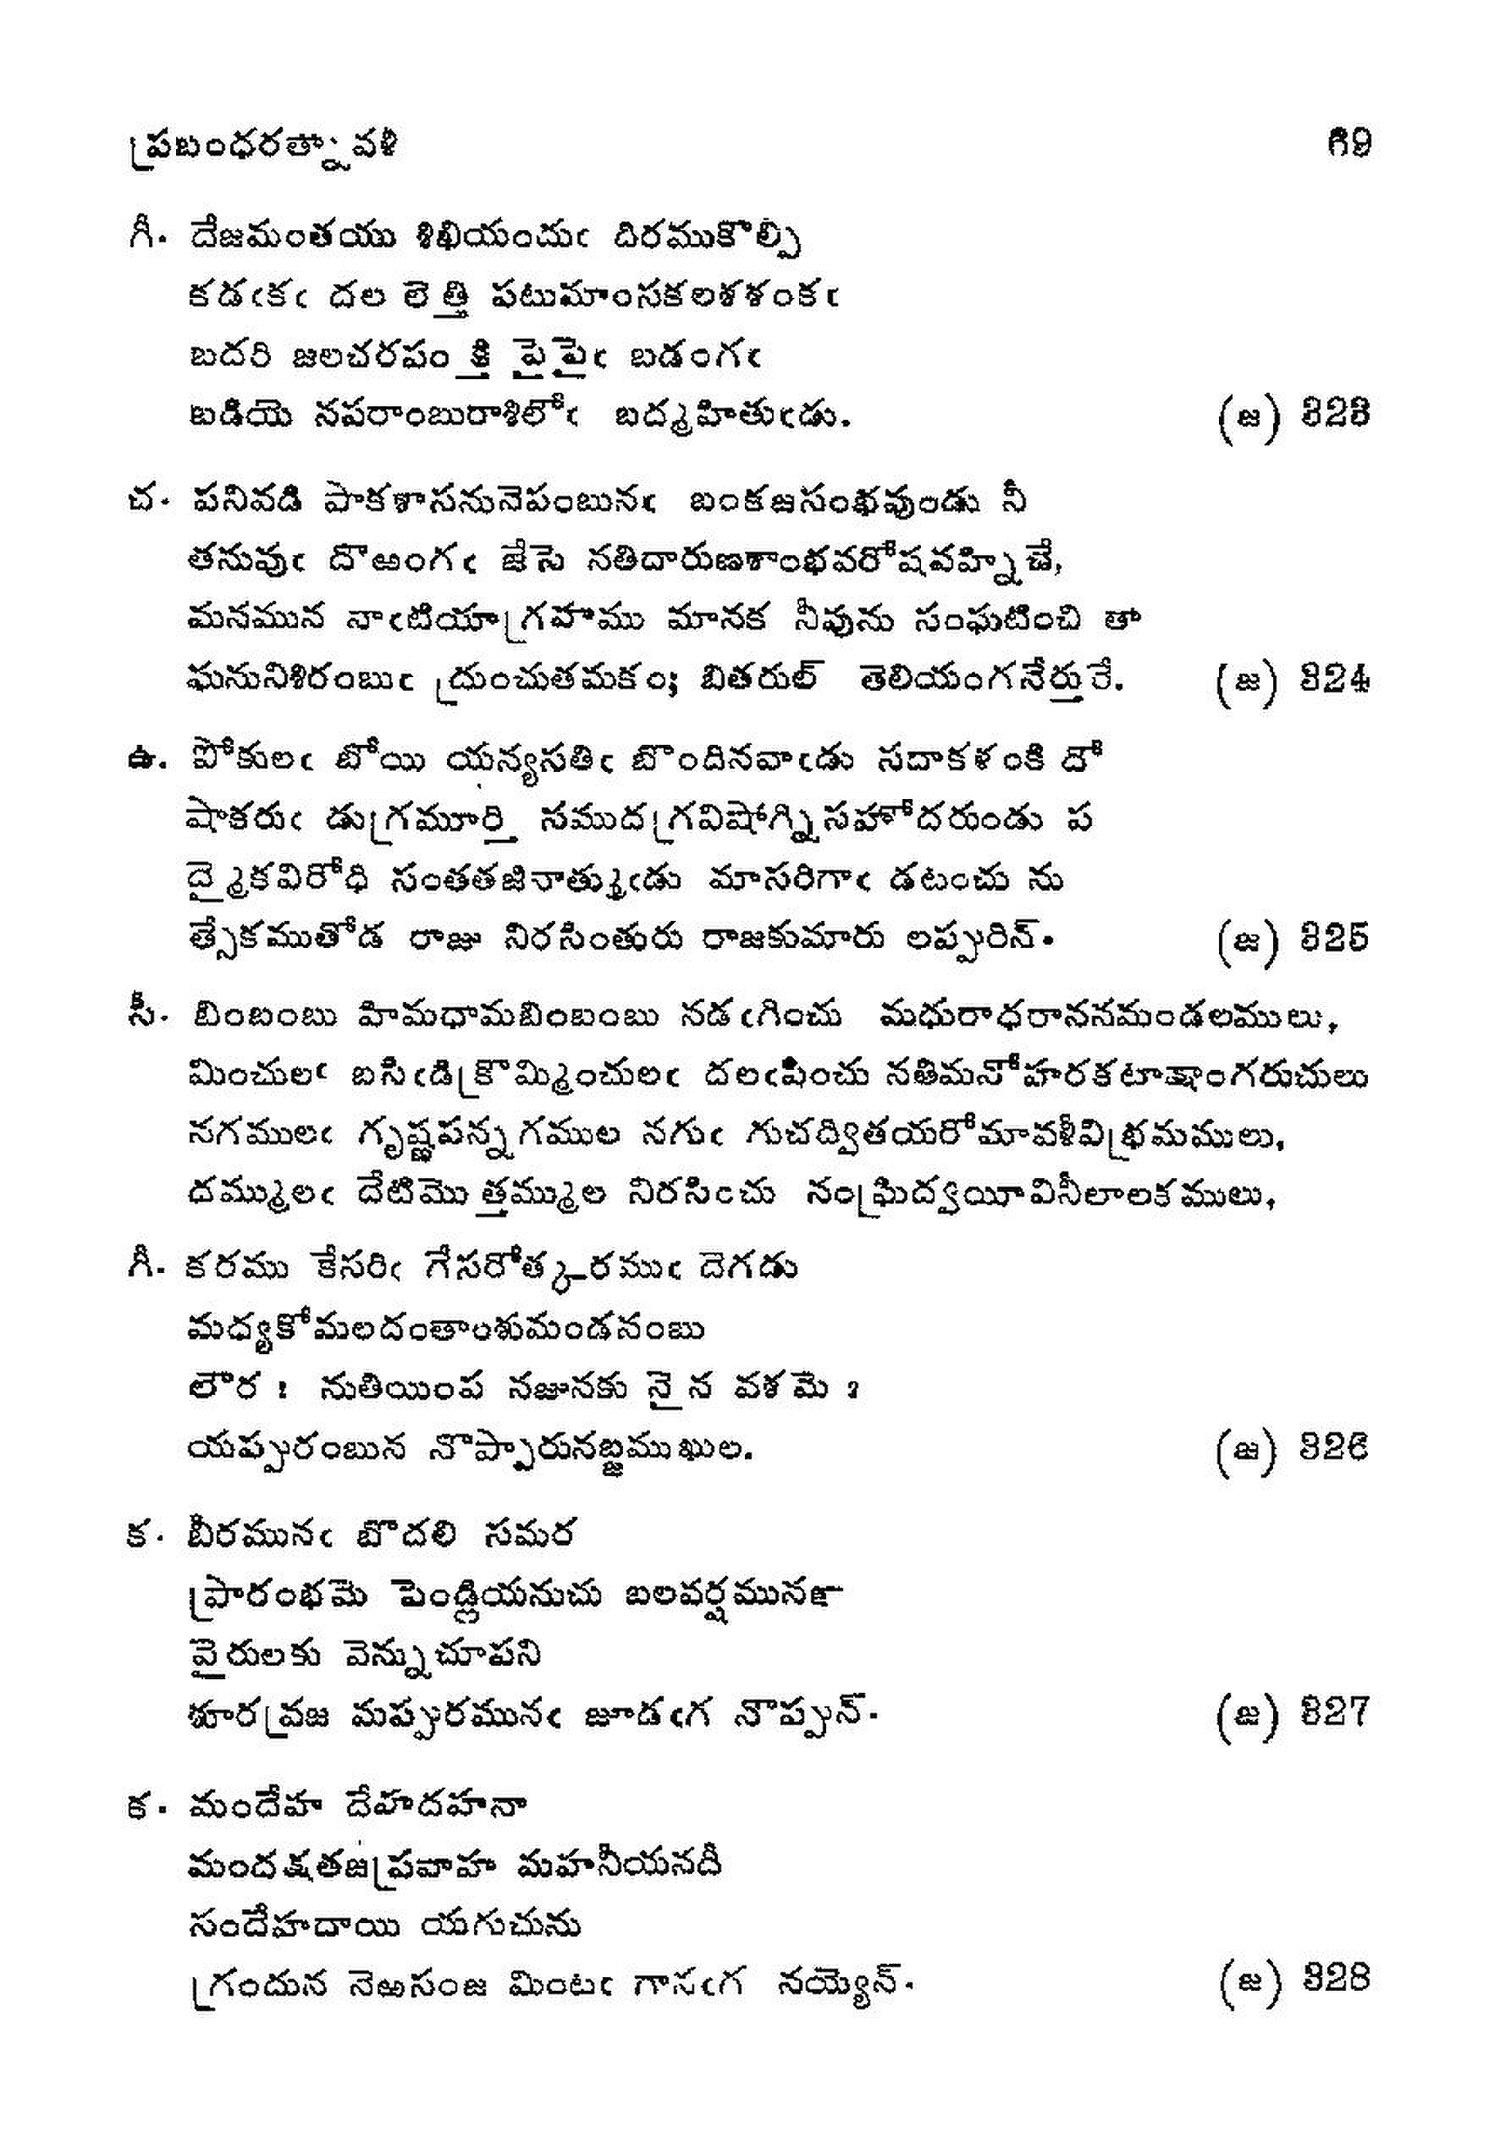గీ. దేజమంతయు శిఖియందుఁ దిరము గొల్పి
కడఁకఁ దలలెత్తి పటుమాంసకలశ శంకఁ
బదరి జలచరపంక్తి పైపైఁబడంగఁ
బడియె నపరాంబురాశిలోఁ బద్మహితుఁడు. (జ) 323

చ. పనివడి పాకశాసను నెపంబునఁ బంకజసంభవుండు నీ
తనువుఁ దొఱంగఁ జేసె నతిదారుణశాంభవరోషవహ్నిచే
మనమున నాటి యాగ్రహము మానక నీవును సంఘటించి తా
ఘనునిశిరంబుఁ ద్రుంచు తమకం బితరుల్ తెలియంగ నేర్తురే. (జ) 324

ఉ. పోకులఁ బోయి యన్యసతిఁ బొందినవాఁడు సదాకళంకి దో
షాకరుఁ డుగ్రమూర్తి సముద్రవిషాగ్నిసహోదరుండు ప
ద్మైకవిరోధి సంతతజినాత్ముఁడు మా సరిగాఁడటంచు ను
త్సేకముతోడ రాజు నిరసింతురు రాజకుమారు లప్పురిన్. (జ) 325

సీ. బింబంబు హిమధామబింబంబు నడఁగించు మధురాధరాననమండలములు
మించులఁ బసిఁడిక్రొమ్మించులఁ దలపించు నతిమనోహరకటాక్షాంగరుచులు
నగములఁ గృష్ణపన్నగములు నగుఁ గుచద్వితయరోమావళీవిభ్రమములు
దమ్ములఁ దేటిమొత్తమ్ముల నిరసించు నంఘ్రిద్వయీవినీలాలకములు
గీ. కరము కేసరిఁ గేసరోత్కరముఁ దెగడు
మధ్యకోమలదంతాంశుమండనంబు
లౌర! నుతియింప నజునకునైన వశమె?
యప్పురంబున నొప్పారు నబ్జముఖుల. (జ) 326

క. బీరమునఁ బొదలి సమర
ప్రారంభమె పెండ్లియనుచు బలవర్షమునన్
వైరులకు వెన్నుచూపని
శూరప్రజ మప్పురమునఁ జూడఁగ నొప్పున్. (జ) 327

క. మందేహ దేహదహనా
మందక్షతజప్రవాహ మహనీయనదీ
సందేహదాయి యగుచును
గ్రందున నెఱసంజ మింటఁ గానఁగ నయ్యెన్. (జ) 358